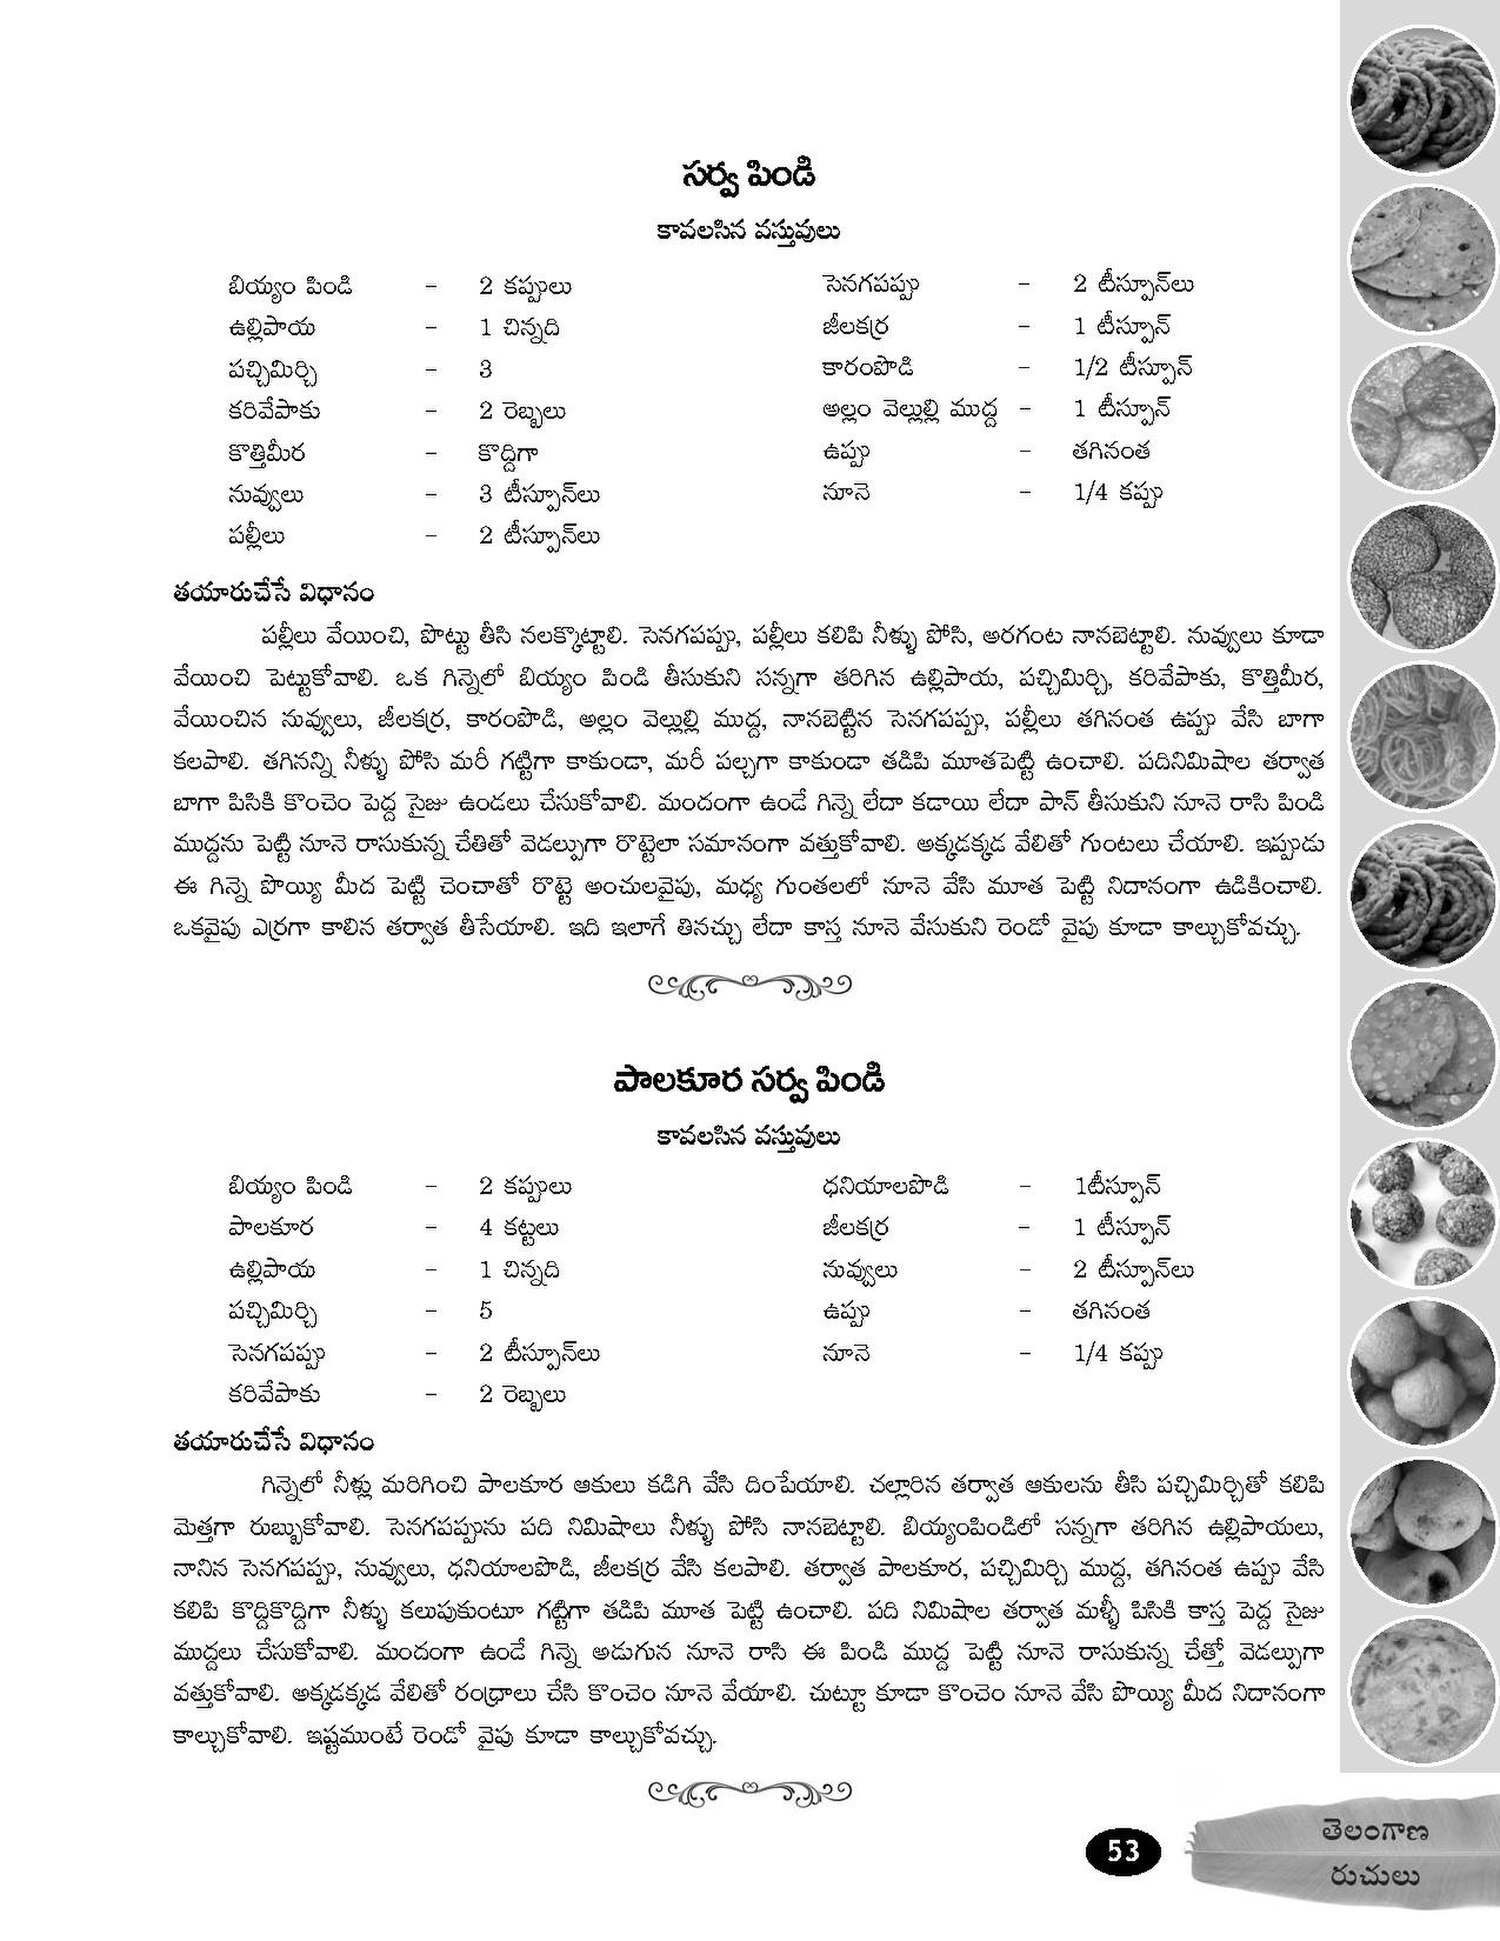+ కావలసిన వస్తువులు బియ్యం పిండి 2 కప్పులు. సెనగపప్పు 2 టీస్పూన్లు ఉల్లిపాయ 1 చిన్నది జీలకర్ర 1 టీస్పూన్ పచ్చిమిర్చి 3 కారంపొడి 1/2 టీస్పూన్ కరివేపాకు 2 రెబ్బలు అల్లం వెల్లుల్లి ముద్ద 1 టీస్పూన్ కొత్తిమీర. కొద్దిగా ఉప్పు తగినంతనువ్వులు 3 టీస్పూన్లు నూనె 1/4 కప్పు. పల్లీలు 2 టీస్పూన్లు 

తయారుచేసే విధానం 

పల్లీలు వేయించి, పొట్టు తీసి నలక్కొట్టాలి. సెనగపప్పు, పల్లీలు కలిపి నీళ్ళు పోసి, అరగంట నానబెట్టాలి. నువ్వులు కూడా వేయించి పెట్టుకోవాలి. ఒక గిన్నెలో బియ్యం పిండి తీసుకుని సన్నగా తరిగిన ఉల్లిపాయ, పచ్చిమిర్చి, కరివేపాకు, కొత్తిమీర, వేయించిన నువ్వులు, జీలకర్ర, కారంపొడి, అల్లం వెల్లుల్లి ముద్ద, నానబెట్టిన సెనగపప్పు, పల్లీలు తగినంత ఉప్పు వేసి బాగా కలపాలి. తగినన్ని నీళ్ళు పోసి మరీ గట్టిగా కాకుండా, మరీ పల్చగా కాకుండా తడిపి మూతపెట్టి ఉంచాలి. పదినిమిషాల తర్వాత బాగా పిసికి కొంచెం పెద్ద సైజు ఉండలు చేసుకోవాలి. మందంగా ఉండే గిన్నె లేదా కడాయి లేదా పాన్ తీసుకుని నూనె రాసి పిండి ముద్దను పెట్టి నూనె రాసుకున్న చేతితో వెడల్పుగా రొట్టెలా సమానంగా వత్తుకోవాలి. అక్కడక్కడ వేలితో గుంటలు చేయాలి. ఇప్పుడు ఈ గిన్నె పొయ్యి మీద పెట్టి చెంచాతో రొట్టె అంచులవైపు, మధ్య గుంతలలో నూనె వేసి మూత పెట్టి నిదానంగా ఉడికించాలి. ఒకవైపు ఎర్రగా కాలిన తర్వాత తీసేయాలి. ఇది ఇలాగే తినచ్చు లేదా కాస్త నూనె వేసుకుని రెండో వైపు కూడా కాల్చుకోవచ్చు.

+ కావలసిన వస్తువులు బియ్యం పిండి 2 కప్పులు. సెనగపప్పు 2 టీస్పూన్లు ఉల్లిపాయ 1 చిన్నది జీలకర్ర 1 టీస్పూన్ పచ్చిమిర్చి 5 దనియాల పొడి 1 టీస్పూన్ కరివేపాకు 2 రెబ్బలు పాలకూర. 4 కట్టలు ఉప్పు తగినంతనువ్వులు 2 టీస్పూన్లు నూనె 1/4 కప్పు.

తయారుచేసే విధానం 

గిన్నెలో నీళ్లు మరిగించి పాలకూర ఆకులు కడిగి వేసి దింపేయాలి. చల్లారిన తర్వాత ఆకులను తీసి పచ్చిమిర్చితో కలిపి మెత్తగా రుబ్బుకోవాలి. సెనగపప్పును పది నిమిషాలు నీళ్ళు పోసి నానబెట్టాలి. బియ్యంపిండిలో సన్నగా తరిగిన ఉల్లిపాయలు, నానిన సెనగపప్పు, నువ్వులు, ధనియాలపొడి, జీలకర్ర వేసి కలపాలి. తర్వాత పాలకూర, పచ్చిమిర్చి ముద్ద, తగినంత ఉప్పు వేసి కలిపి కొద్దికొద్దిగా నీళ్ళు కలుపుకుంటూ గట్టిగా తడిపి మూత పెట్టి ఉంచాలి. పది నిమిషాల తర్వాత మళ్ళీ పిసికి కాస్త పెద్ద సైజు ముద్దలు చేసుకోవాలి. మందంగా ఉండే గిన్నె అడుగున నూనె రాసి ఈ పిండి ముద్ద పెట్టి నూనె రాసుకున్న చేత్తో వెడల్పుగా వత్తుకోవాలి. అక్కడక్కడ వేలితో రంధ్రాలు చేసి కొంచెం నూనె వేయాలి. చుట్టూ కూడా కొంచెం నూనె వేసి పొయ్యి మీద నిదానంగా కాల్చుకోవాలి. ఇష్టముంటే రెండో వైపు కూడా కాల్చుకోవచ్చు.